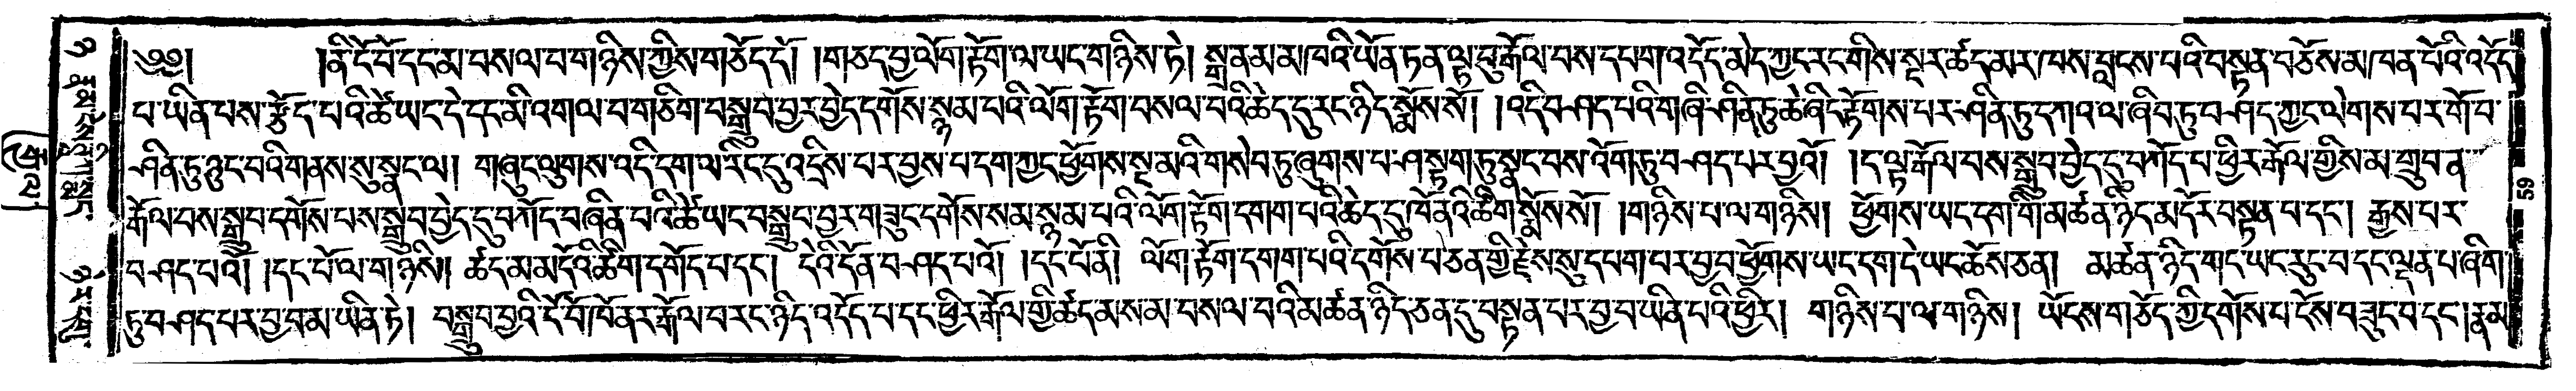༄༅། །ནི་ངོ་བོ་དང་མ་བསལ་བ་གཉིས་ཀྱིས་གཅོད་དོ། །གཅད་བྱ་ལོག་རྟོག་ལ་ཡང་གཉིས་ཏེ། སྒྲ་ནམ་མཁའི་ཡོན་ཏན་ལྟ་བུ་རྒོལ་བས་དཔག་འདོད་མེད་ཀྱང་རང་གིས་སྔར་ཚད་མར་ཁས་བླངས་པའི་བསྟན་བཅོས་མཁན་པོའི་འདོད་
པ་ཡིན་པས་རྩོད་པའི་ཚེ་ཡང་དེ་དང་མི་འགལ་བ་གཅིག་བསྒྲུབ་བྱར་བྱེད་དགོས་སྙམ་པའི་ལོག་རྟོག་བསལ་བའི་ཆེད་དུ་རང་ཉིད་སྨོས་སོ། །འདི་བཤད་པའི་གཞི་ཤིན་ཏུ་ཆེ་ཞིང་རྟོགས་པར་ཤིན་ཏུ་དཀའ་ལ་ཞིབ་ཏུ་བཤད་ཀྱང་ལེགས་པར་གོ་བ་
ཤིན་ཏུ་ཉུང་བའི་གནས་སུ་སྣང་ལ། གཞུང་ལུགས་འདི་དག་ལ་རིང་དུ་འདྲིས་པར་བྱས་པ་དག་ཀྱང་ཕྱོགས་སྔ་མའི་གསེབ་ཏུ་ཞུགས་པ་ཤ་སྟག་ཏུ་སྣང་བས་འོག་ཏུ་བཤད་པར་བྱའོ། །ད་ལྟ་རྒོལ་བས་སྒྲུབ་བྱེད་དུ་བཀོད་པ་ཕྱིར་རྒོལ་གྱིས་མ་གྲུབ་ན་
རྒོལ་བས་སྒྲུབ་དགོས་པས་སྒྲུབ་བྱེད་དུ་བཀོད་བཞིན་པའི་ཚེ་ཡང་བསྒྲུབ་བྱར་གཟུང་དགོས་སམ་སྙམ་པའི་ལོག་རྟོག་དགག་པའི་ཆེད་དུ་ཁོ་ནའི་ཚིག་སྨོས་སོ། །གཉིས་པ་ལ་གཉིས། ཕྱོགས་ཡང་དག་གི་མཚན་ཉིད་མདོར་བསྟན་པ་དང་། རྒྱས་པར་
བཤད་པའོ། །དང་པོ་ལ་གཉིས། ཚད་མ་མདོའི་ཚིག་དགོད་པ་དང་། དེའི་དོན་བཤད་པའོ། །དང་པོ་ནི། ལོག་རྟོག་དགག་པའི་དགོས་པ་ཅན་གྱི་རྗེས་སུ་དཔག་པར་བྱ་བ་ཕྱོགས་ཡང་དག་དེ་ཡང་ཆོས་ཅན། མཚན་ཉིད་གང་ཡང་རུང་བ་དང་ལྡན་པ་ཞིག་
ཏུ་བཤད་པར་བྱ་བ་མ་ཡིན་ཏེ། བསྒྲུབ་བྱའི་ངོ་བོ་ཁོ་ནར་རྒོལ་བ་རང་ཉིད་འདོད་པ་དང་ཕྱིར་རྒོལ་གྱི་ཚད་མས་མ་བསལ་བའི་མཚན་ཉིད་ཅན་དུ་བསྟན་པར་བྱ་བ་ཡིན་པའི་ཕྱིར། གཉིས་པ་ལ་གཉིས། ཡོངས་གཅོད་ཀྱི་དགོས་པ་ངོས་བཟུང་བ་དང་། རྣམ་